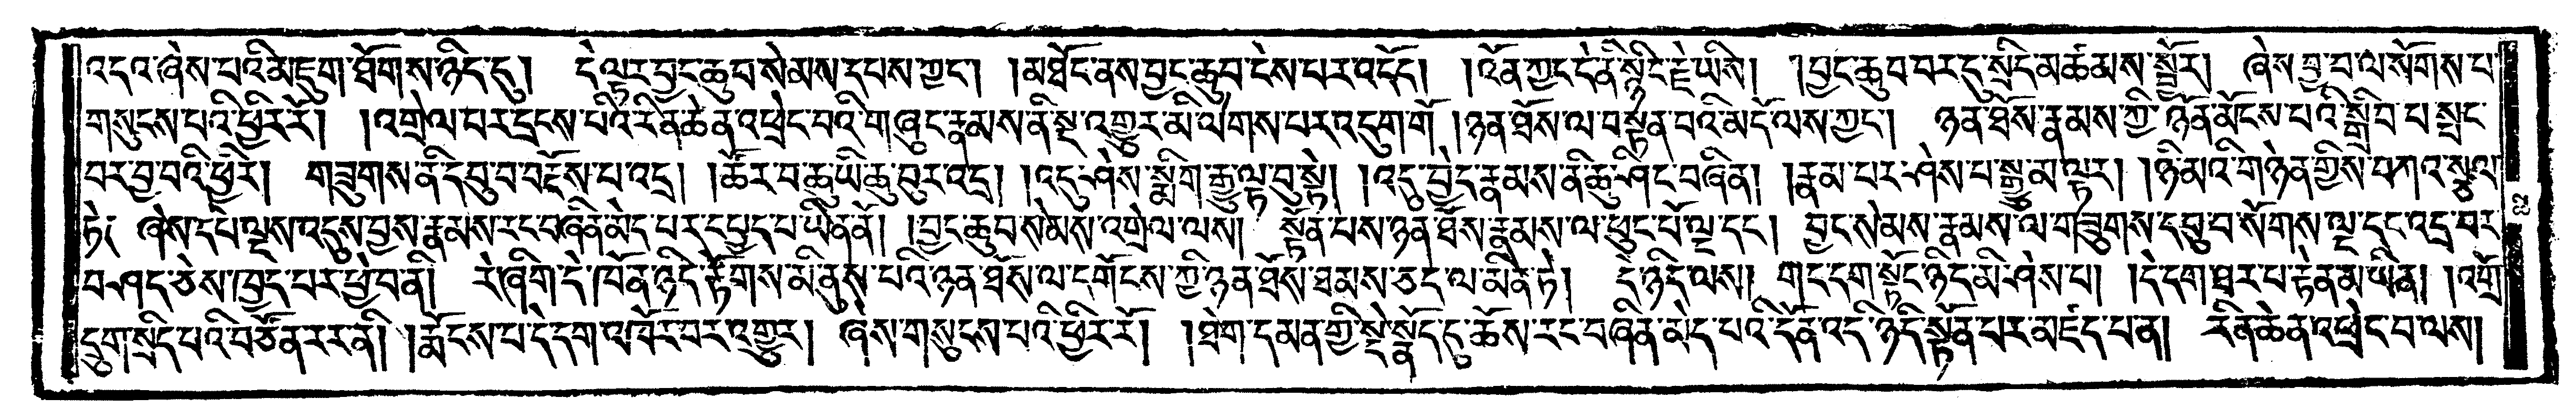འདའ་ཞེས་པའི་མཇུག་ཐོགས་ཉིད་དུ། དེ་ལྟར་བྱང་ཆུབ་སེམས་དཔས་ཀྱང་། །མཐོང་ནས་བྱང་ཆུབ་ངེས་པར་འདོད། །འོན་ཀྱང་དེ་ནི་སྙིང་རྗེ་ཡིས། །བྱང་ཆུབ་བར་དུ་སྲིད་མཚམས་སྦྱོར། ཞེས་བྱ་བ་ལ་སོགས་པ་
གསུངས་པའི་ཕྱིར་རོ། །འགྲེལ་པར་དྲངས་པའི་རིན་ཆེན་འཕྲེང་བའི་གཞུང་རྣམས་ནི་སྔ་འགྱུར་མི་ལེགས་པར་འདུག་གོ །ཉན་ཐོས་ལ་བསྟན་པའི་མདོ་ལས་ཀྱང་། ཉན་ཐོས་རྣམས་ཀྱི་ཉོན་མོངས་པའི་སྒྲིབ་པ་སྤང་
བར་བྱ་བའི་ཕྱིར། གཟུགས་ནི་དབུ་བ་བརྡོས་པ་འདྲ། །ཚོར་བ་ཆུ་ཡི་ཆུ་བུར་འདྲ། །འདུ་ཤེས་སྨིག་རྒྱུ་ལྟ་བུ་སྟེ། །འདུ་བྱེད་རྣམས་ནི་ཆུ་ཤིང་བཞིན། །རྣམ་པར་ཤེས་པ་སྒྱུ་མ་ལྟར། །ཉི་མའི་གཉེན་གྱིས་བཀའ་སྩལ་
ཏེ༑ ཞེས་དཔེ་ལྔས་འདུས་བྱས་རྣམས་རང་བཞིན་མེད་པར་དཔྱད་པ་ཡིན་ནོ། །བྱང་ཆུབ་སེམས་འགྲེལ་ལས། སྟོན་པས་ཉན་ཐོས་རྣམས་ལ་ཕུང་པོ་ལྔ་དང་། བྱང་སེམས་རྣམས་ལ་གཟུགས་དབུ་བ་སོགས་ལྔ་དང་འདྲ་བར་
བཤད་ཅེས་ཁྱད་པར་ཕྱེ་བ་ནི། རེ་ཞིག་དེ་ཁོ་ན་ཉིད་རྟོགས་མི་ནུས་པའི་ཉན་ཐོས་ལ་དགོངས་ཀྱི་ཉན་ཐོས་ཐམས་ཅད་ལ་མིན་ཏེ། དེ་ཉིད་ལས། གང་དག་སྟོང་ཉིད་མི་ཤེས་པ། །དེ་དག་ཐར་པ་རྟེན་མ་ཡིན། །འགྲོ་
དྲུག་སྲིད་པའི་བཙོན་རར་ནི། །རྨོངས་པ་དེ་དག་འཁོར་བར་འགྱུར། ཞེས་གསུངས་པའི་ཕྱིར་རོ། །ཐེག་དམན་གྱི་སྡེ་སྣོད་དུ་ཆོས་རང་བཞིན་མེད་པའི་དོན་འདི་ཉིད་སྟོན་པར་མཛད་པ་ན། རིན་ཆེན་འཕྲེང་བ་ལས།